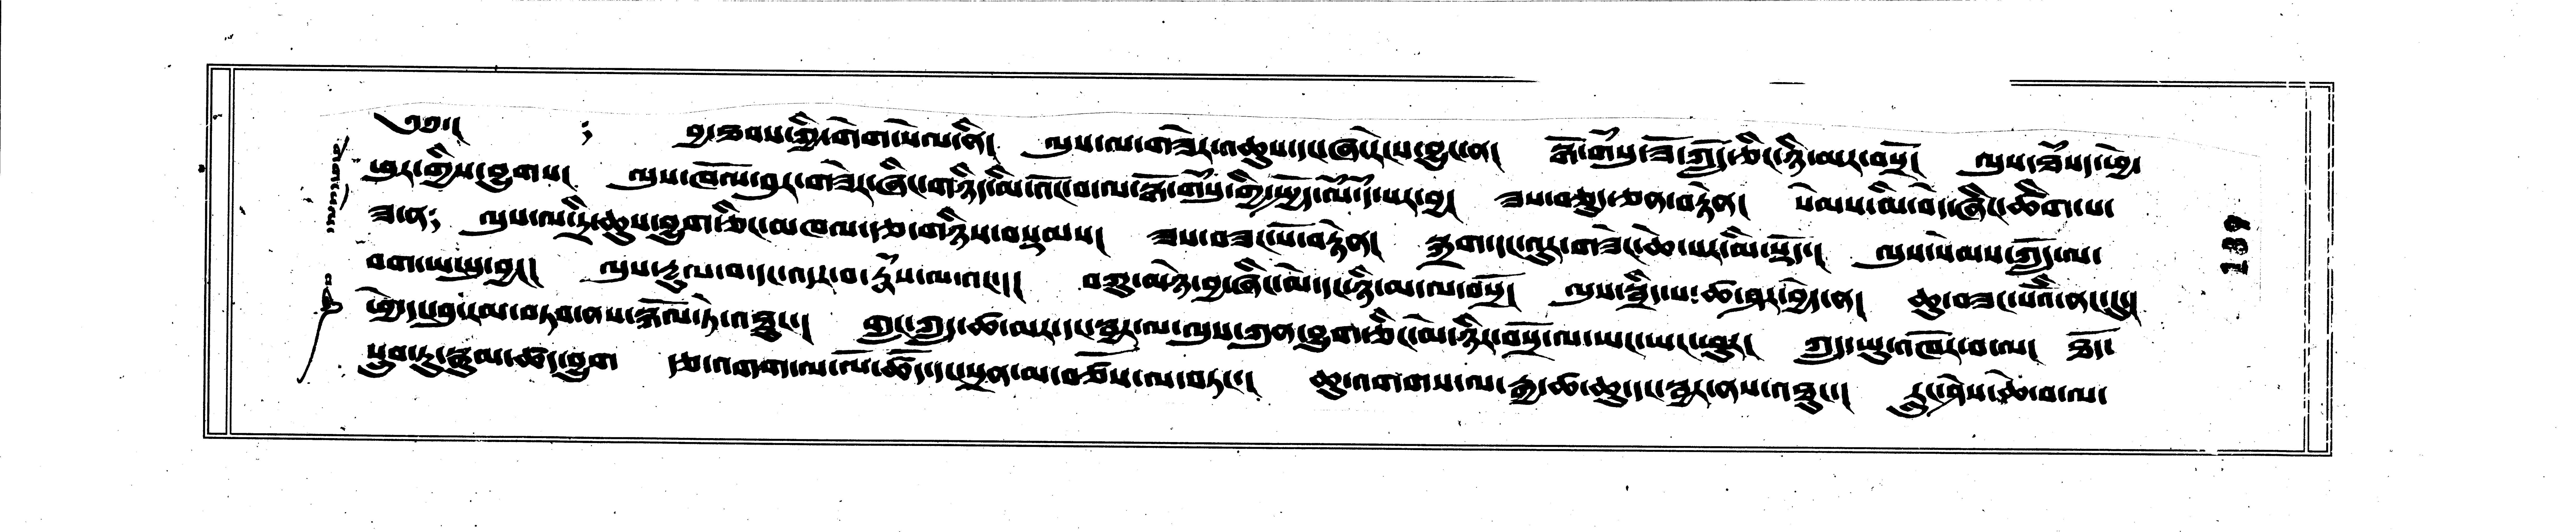བྱ་ཐབས་ཀྱི་གེག་སེལ་ནི། ལུས་ལ་གཟེར་འཆུས་དང་ཞ་རེངས་བྱུང་ན། སྒོ་གསུམ་ཟོ་གློད་ཅིང་ཉི་མར་བསྲོ། ལུས་ཐམས་ཅད་ཕྱེ་
ཕུར་གྱིས་བྱུག ལུས་ཁོལ་བུར་གཟེར་ཞིང་གཉིད་མི་འོང་བ་ལ་སྒོ་གསུམ་གྱི་སྤྱོད་ལམ་དམ་པར་བྱ། ཟས་བཅུད་ཅན་བསྟེན། སེམས་མི་བདེ་ཞིང་ཚིག་
ཟ་ན། ལུས་ལ་དྲི་ཆུས་བྱུག་ཅིང་མཁལ་རྩ་གཉིས་བསྡམ། ཟས་བཟང་པོ་བསྟེན། སྒྲ་དང་འུར་ཟིང་ཆེ་སར་མི་སྡོད། ལུས་སེམས་གློད་ལ་
བག་ཡངས་སུ་བྱ། ལུས་རྔུལ་བ་དང་འདར་བ་རྣམས་ལའང་། བཀུ་མཉེ་བྱ་ཞིང་མེ་དང་ཉི་མ་ལ་བསྲོ། ལུས་སྦྲིད་པ་ཚ་ཤར་བྱེད་ན། ཆུ་བཟང་པོའི་ནང་དུ་
ཕྱེ་དང་བུ་རམ་བཏབ་སྟེ་བཀོལ་ནས་འཐུང་། གླང་ཀླད་ཚ་མར་དང་སྦྱར་ལ་ལུས་ཀུན་བྱུག་ཅིང་མེ་ཉིར་བསྲོ་ལ་ཡང་ཡང་ཕུར། ཀླད་ཡུ་འཁོར་བ་ལ། ཐོད་
སྲུབ་ཏུ་སྣུམ་ཚད་བྱུག རྩ་འགག་ལ་ལོ་ཚོད་དང་སྲན་མ་བཙོས་མ་བཏང་། ཆུ་འགག་ལ་རྒྱ་ཚ་ཆུ་དང་སྦྱར་ནས་འཐུང་། རླུང་ཤས་ཆེ་བ་ལ་